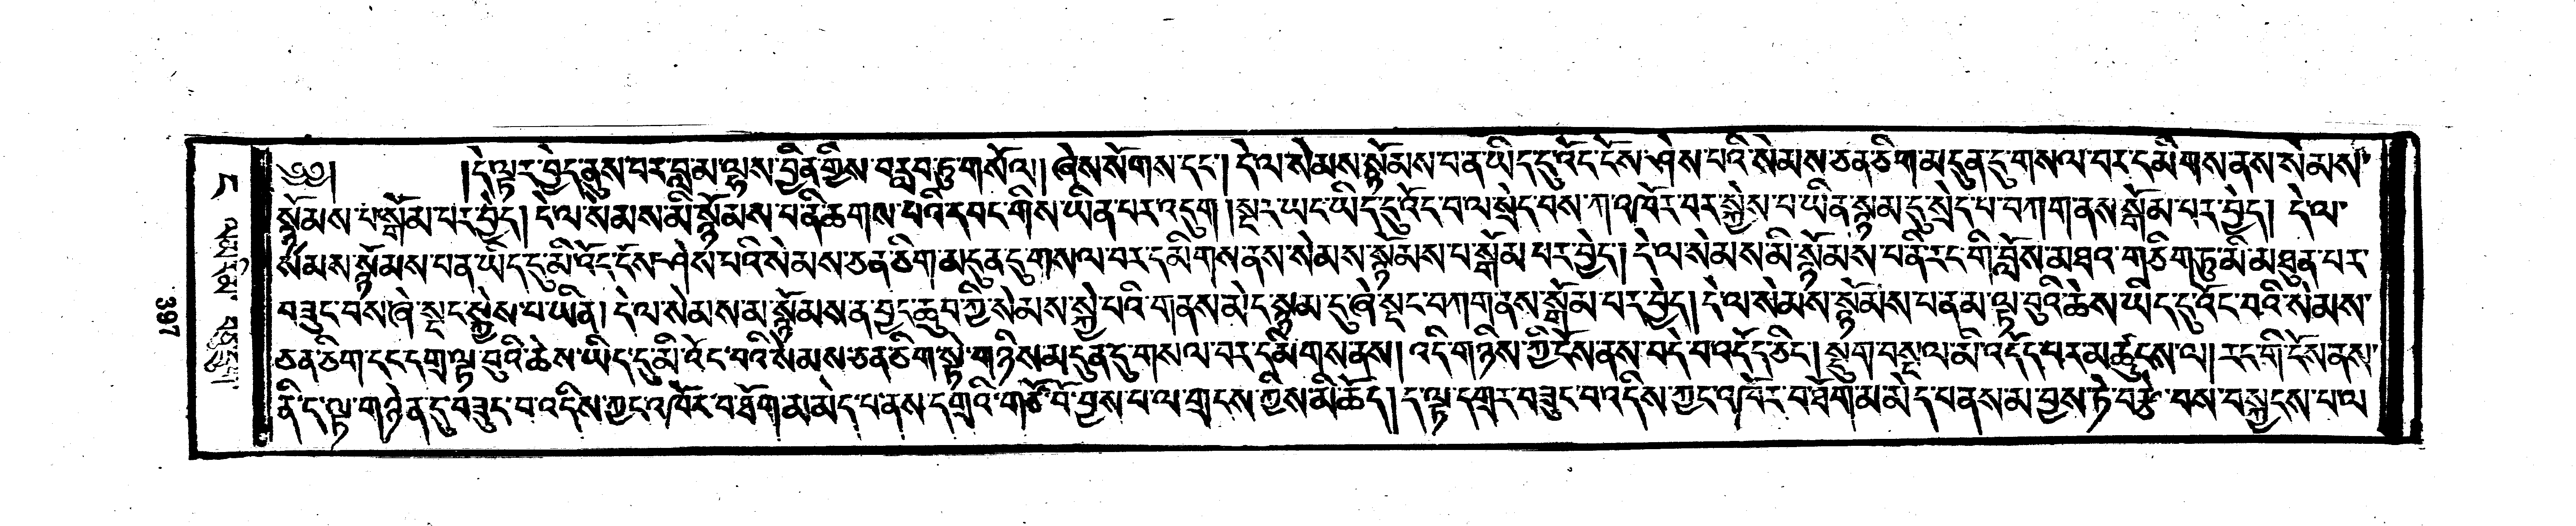༄༅། །དེ་ལྟར་བྱེད་ནུས་པར་བླ་མ་ལྷས་བྱིན་གྱིས་བརླབ་ཏུ་གསོལ། ཞེས་སོགས་དང་། དེ་ལ་སེམས་སྙོམས་པ་ན་ཡིད་དུ་འོང་ངོས་ཤེས་པའི་སེམས་ཅན་ཅིག་མདུན་དུ་གསལ་བར་དམིགས་ནས་སེམས་
སྙོམས་པ་སྒོམ་པར་བྱེད། དེ་ལ་སེམས་མ་སྙོམས་པ་ནི་ཆགས་པའི་དབང་གིས་ཡིན་པར་འདུག །སྔར་ཡང་ཡིད་དུ་འོང་བ་ལ་སྲེད་པས་ཀ་འཁོར་བར་སྐྱེས་པ་ཡིན་སྙམ་དུ་སྲེད་པ་བཀག་ནས་སྒོམ་པར་བྱེད། དེ་ལ་
སེམས་སྙོམས་པ་ན་ཡིད་དུ་མི་འོང་ངོས་ཤེས་པའི་སེམས་ཅན་ཅིག་མདུན་དུ་གསལ་བར་དམིགས་ནས་སེམས་སྙོམས་པ་སྒོམ་པར་བྱེད། དེ་ལ་སེམས་མི་སྙོམས་པ་ནི་རང་གི་བློས་མཐའ་གཅིག་ཏུ་མི་མཐུན་པར་
བཟུང་བས་ཞེ་སྡང་སྐྱེས་པ་ཡིན། དེ་ལ་སེམས་མ་སྙོམས་ན་བྱང་ཆུབ་ཀྱི་སེམས་སྐྱེ་བའི་གནས་མེད་སྙམ་དུ་ཞེ་སྡང་བཀག་ནས་སྒོམ་པར་བྱེད། དེ་ལ་སེམས་སྙོམས་པ་ན་མ་ལྟ་བུའི་ཆོས་ཡིད་དུ་འོང་བའི་སེམས་
ཅན་ཅིག་དང་དགྲ་ལྟ་བུའི་ཆོས་ཡིད་དུ་མི་འོང་བའི་སེམས་ཅན་ཅིག་སྟེ་གཉིས་མདུན་དུ་གསལ་བར་དམིགས་ནས། འདི་གཉིས་ཀྱི་ངོས་ནས་བདེ་བ་འདོད་ཅིང་། སྡུག་བསྔལ་མི་འདོད་པར་མཚུངས་ལ། རང་གི་ངོས་ནས་
ནི་ད་ལྟ་གཉེན་དུ་བཟུང་བ་འདིས་ཀྱང་འཁོར་བ་ཐོག་མ་མེད་པ་ནས་དགྲའི་གཙོ་བོ་བྱས་པ་ལ་གྲངས་ཀྱིས་མི་ཆོད། ད་ལྟ་དགྲར་བཟུང་བ་འདིས་ཀྱང་འཁོར་བ་ཐོག་མ་མེད་པ་ནས་མ་བྱས་ཏེ་བརྩེ་བས་བསྐྱངས་པ་ལ་